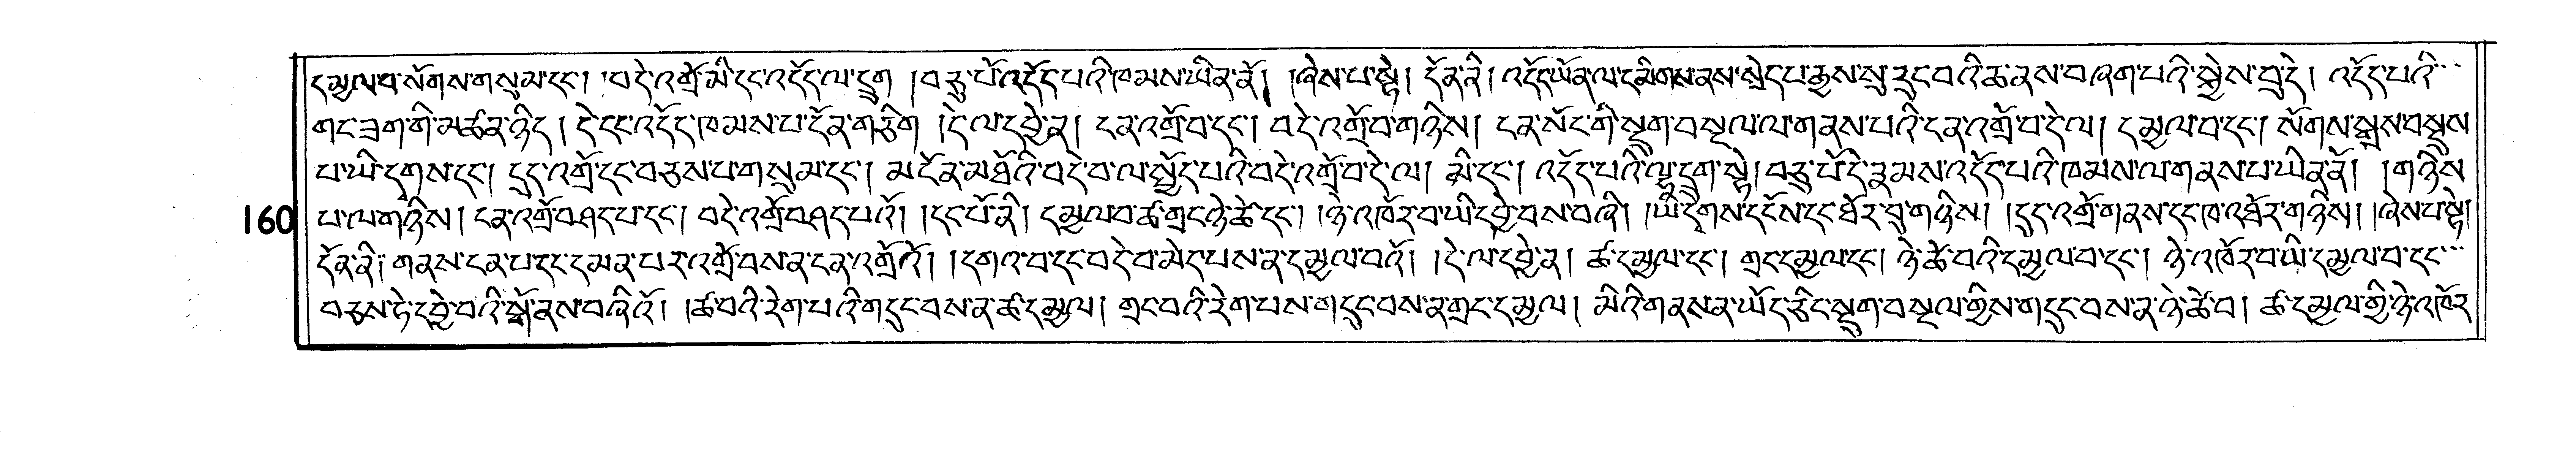དམྱལ་བ་སོགས་གསུམ་དང་། །བདེ་འགྲོ་མི་དང་འདོད་ལ་དྲུག །བཅུ་པོ་འདོད་པའི་ཁམས་ཡིན་ནོ། །ཞེས་པ་སྟེ། དོན་ནི། འདོད་ཡོན་ལ་དམིགས་ནས་སྲེད་པ་རྒྱས་སུ་རུང་བའི་ཆ་ནས་བཞག་པའི་སྐྱེས་བུ་དེ། འདོད་པའི་
གང་ཟག་གི་མཚན་ཉིད། དེ་དང་འདོད་ཁམས་པ་དོན་གཅིག །དེ་ལ་དབྱེ་ན། ངན་འགྲོ་བ་དང་། བདེ་འགྲོ་བ་གཉིས། ངན་སོང་གི་སྡུག་བསྔལ་ལ་གནས་པའི་ངན་འགྲོ་བ་དེ་ལ། དམྱལ་བ་དང་། སོགས་སྒྲས་བསྡུས་
པ་ཡི་དྭགས་དང་། དུད་འགྲོ་དང་བཅས་པ་གསུམ་དང་། མངོན་མཐོའི་བདེ་བ་ལ་སྤྱོད་པའི་བདེ་འགྲོ་བ་དེ་ལ། མི་དང་། འདོད་པའི་ལྷ་དྲུག་སྟེ། བཅུ་པོ་དེ་རྣམས་འདོད་པའི་ཁམས་ལ་གནས་པ་ཡིན་ནོ། །གཉིས་
པ་ལ་གཉིས། ངན་འགྲོ་བཤད་པ་དང་། བདེ་འགྲོ་བཤད་པའོ། །དང་པོ་ནི། དམྱལ་བ་ཚ་གྲང་ཉེ་ཚེ་དང་། །ཉེ་འཁོར་བ་ཡི་དབྱེ་བས་བཞི། །ཡི་དྭགས་དངོས་དང་ཐོར་བུ་གཉིས། །དུད་འགྲོ་གནས་དང་ཁ་འཐོར་གཉིས། །ཞེས་པ་སྟེ།
དོན་ནི༑ གནས་ངན་པ་དང་དམན་པར་འགྲོ་བས་ན་ངན་འགྲོའོ། །དགའ་བ་དང་བདེ་བ་མེད་པས་ན་དམྱལ་བའོ། །དེ་ལ་དབྱེ་ན། ཚ་དམྱལ་དང་། གྲང་དམྱལ་དང་། ཉེ་ཚེ་བའི་དམྱལ་བ་དང་། ཉེ་འཁོར་བ་ཡི་དམྱལ་བ་དང་
བཅས་ཏེ་དབྱེ་བའི་སྒོ་ནས་བཞིའོ། །ཚ་བའི་རེག་པའི་གདུང་བས་ན་ཚ་དམྱལ། གྲང་བའི་རེག་པས་གདུང་བས་ན་གྲང་དམྱལ། མིའི་གནས་ན་ཡོད་ཅིང་སྡུག་བསྔལ་གྱིས་གདུང་བས་ན་ཉེ་ཚེ་བ། ཚ་དམྱལ་གྱི་ཉེ་འཁོར་